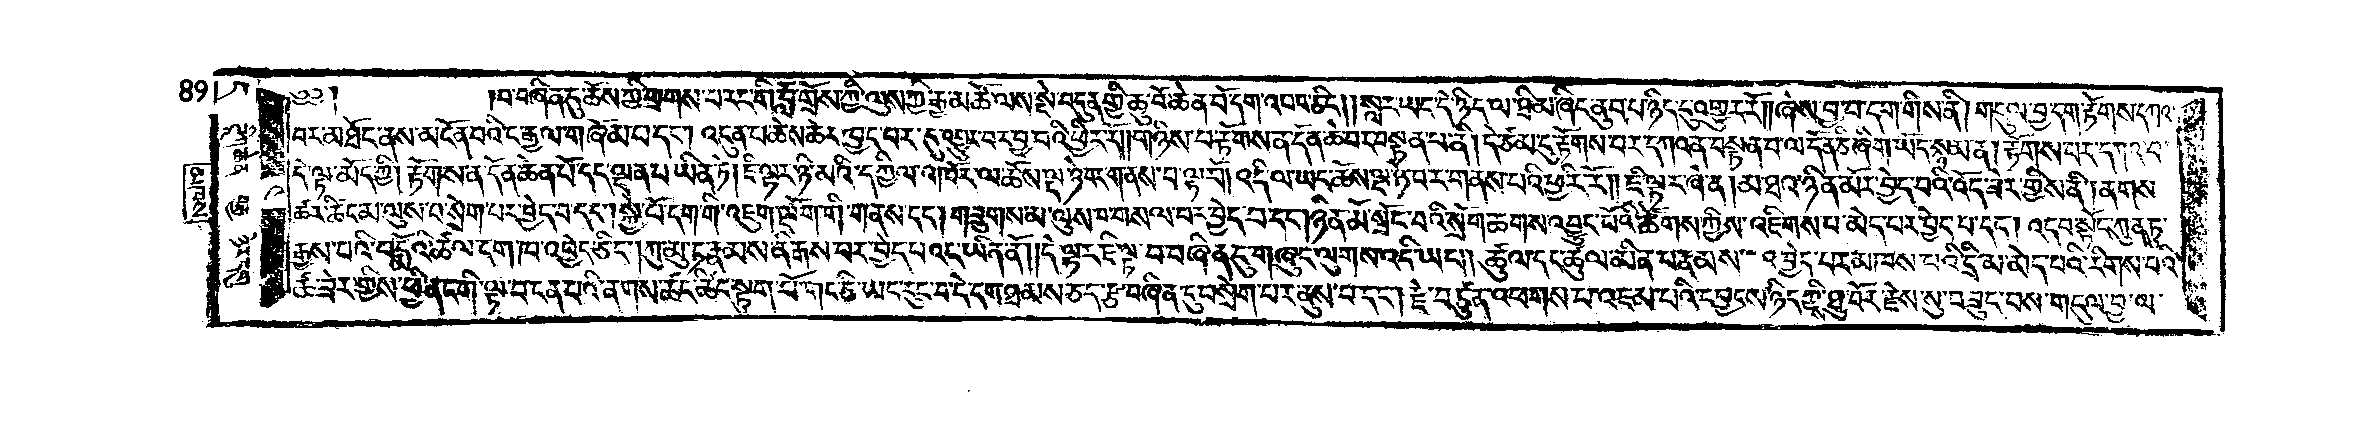༄༅། །བ་བཞིན་དུ་ཆོས་ཀྱི་གྲགས་པ་རང་གི་བློ་གྲོས་ཀྱི་ལུས་ཀྱི་རྒྱ་མཚོ་ལས་སྡེ་བདུན་གྱི་ཆུ་བོ་ཆེན་པོ་དག་འབབ་ཅིང་། །སླར་ཡང་དེ་ཉིད་ལ་ཐིམ་ཞིང་ནུས་པ་ཉིད་དུ་འགྱུར་རོ། །ཞེས་བྱ་བ་དག་གིས་ནི། གདུལ་བྱ་དག་རྟོགས་དཀའ་
བར་མཐོང་ནས་མངོན་པའི་ང་རྒྱལ་གཞོམ་པ་དང་། འདུན་པ་ཆེས་ཆེར་ཁྱད་པར་དུ་འབྱུང་བར་བྱ་བའི་ཕྱིར་རོ། །གཉིས་པ་རྟོགས་ན་དོན་ཆེ་བར་བསྟན་པ་ནི། དེ་ཙམ་དུ་རྟོགས་པར་དཀའ་ན་བསྟན་པ་ལ་དོན་ཅི་ཞིག་ཡོད་སྙམ་ན། རྟོགས་པར་དཀའ་བ་
དེ་ལྟ་མོད་ཀྱི། རྟོགས་ན་དོན་ཆེན་པོ་དང་ལྡན་པ་ཡིན་ཏེ། ཇི་ལྟར་ཉི་མའི་དཀྱིལ་འཁོར་ལ་ཆོས་ལྔ་ཉེ་བར་གནས་པ་ལྟ་རོ། འདི་ལ་ཡང་ཆོས་ལྔ་ཉེ་བར་གནས་པའི་ཕྱིར་རོ། །ཇི་ལྟར་ཞེ་ན། མཐའ་ཉིན་མོར་བྱེད་པའི་འོད་ཟེར་གྱིས་ནི། ནགས་
ཚང་ཚིང་མ་ལུས་བ་སྲེག་པར་བྱེད་པ་དང་། སྐྱེ་པོ་དག་གི་འཇུག་ལྡོག་གི་གནས་དང་། གཟུགས་མ་ལུས་པ་གསལ་བར་བྱེད་པ་དང་། ཉིན་མོ་སྲོང་བའི་སྲོག་ཆགས་འབྱུང་པོའི་ཚོགས་ཀྱིས་འཇིགས་པ་མེད་པར་བྱེད་པ་དང་། འདབ་སྟོང་ཀུན་ཏུ་
རྒྱས་པའི་པད་མོའི་ཚལ་དག་ཁ་འབྱེད་ཅིང་། ཀུན་མུ་ཏ་རྣམས་ནི་རྒས་བར་བྱེད་པའང་ཡིན་ནོ། དེ་ལྟར་ཇི་ལྟ་བ་བཞིན་དུ་གཞུང་ལུགས་འདི་ཡང་། ཚུལ་དང་ཚུལ་མིན་པ་རྣམས་འབྱེད་པར་མཁས་པའི་དྲི་མ་མེད་པའི་རིགས་པའི་
ཚ་ཟེར་གྱིས་ཕྱི་ནང་གི་ལྟ་བ་ངན་པའི་ནགས་ཚང་ཚིང་སྟུག་པོ་གང་ཅི་ཡང་རུང་བ་དེ་དག་ཐམས་ཅད་རྩ་བཞིན་དུ་བསྲེག་པར་ནུས་པ་དང་། རྗེ་བཙུན་འཕགས་པ་འཇམ་པའི་དབྱངས་ཉིད་ཀྱིས་ཐུ་བོར་རྗེས་སུ་བཟུང་བས་གདུལ་བྱ་ལ་